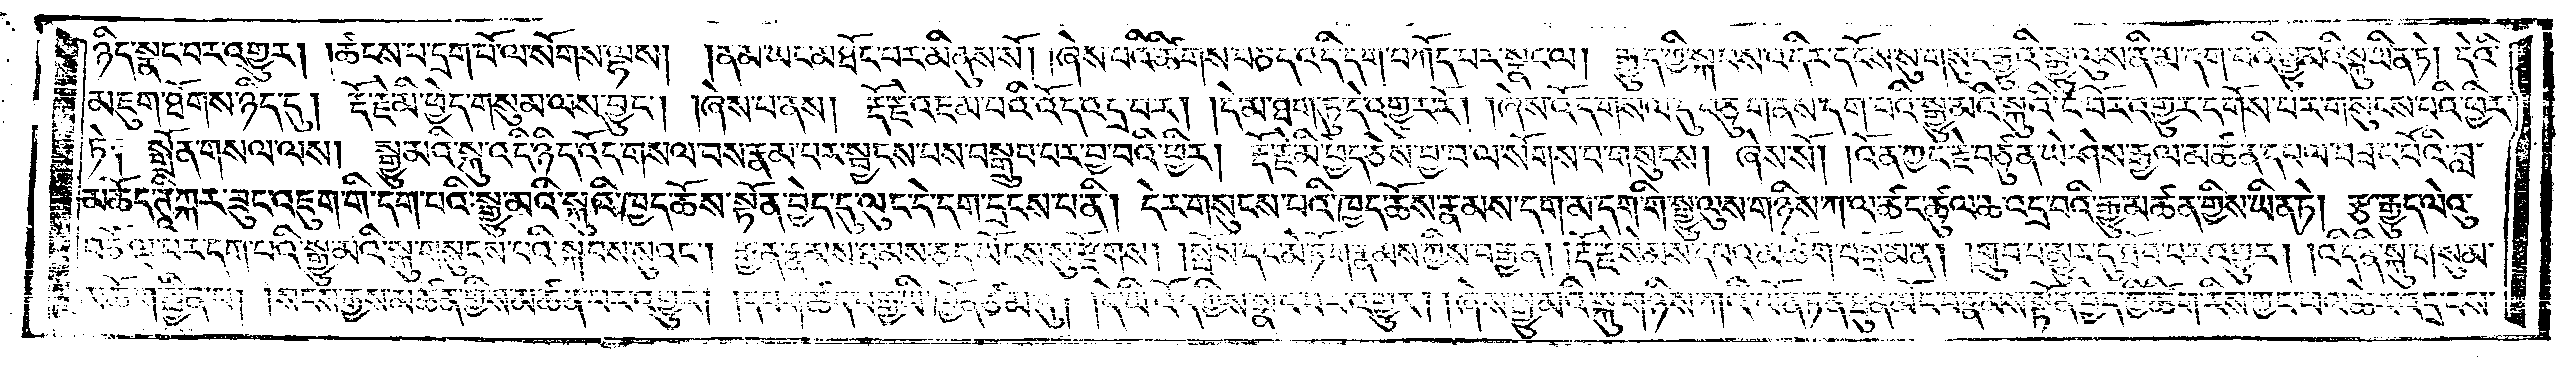ཉིད་སྣང་བར་འགྱུར། །ཚངས་པ་དྲག་པོ་ལ་སོགས་ལྷས། །ནམ་ཡང་མཐོང་པར་མི་ནུས་སོ། །ཞེས་པའི་ཚིགས་བཅད་འདི་དག་བཀོད་པར་སྣང་ལ། རྒྱུད་ཀྱི་སྐབས་འདིར་དངོས་སུ་གསུང་རྒྱུའི་སྒྱུ་ལུས་ནི་མ་དག་པའི་སྒྱུ་མའི་སྐུ་ཡིན་ཏེ། དེའི་
མཇུག་ཐོགས་ཉིད་དུ། རྡོ་རྗེ་མི་ཕྱེད་གསུམ་ལས་བྱུང་། །ཞེས་པ་ནས། རྡོ་རྗེ་འཇམ་པའི་འོད་འདྲ་བར། །དེ་མ་ཐག་ཏུ་དེ་འགྱུར་རོ། །ཞེས་འོད་གསལ་དུ་བཅུ་གནས་དག་པའི་སྒྱུ་མའི་སྐུའི་ངོ་བོར་འགྱུར་དགོས་པར་གསུངས་པའི་ཕྱིར་
ཏེ༑ སྒྲོན་གསལ་ལས། སྒྱུ་མའི་སྐུ་འདི་ཉིད་འོད་གསལ་བས་རྣམ་པར་སྦྱངས་པས་བསྒྲུབ་པར་བྱ་བའི་ཕྱིར། རྡོ་རྗེ་མི་ཕྱེད་ཅེས་བྱ་བ་ལ་སོགས་པ་གསུངས། ཞེས་སོ། །འོན་ཀྱང་རྗེ་བཙུན་ཡེ་ཤེས་རྒྱལ་མཚན་དཔལ་བཟང་པོའི་བླ་
མཆོད་ཊཱིཀྐར་ཟུང་འཇུག་གི་དག་བའི་སྒྱུ་མའི་སྐུའི་ཁྱད་ཆོས་སྟོན་བྱེད་དུ་ལུང་དེ་དག་དྲངས་པ་ནི། དེར་གསུངས་པའི་ཁྱད་ཆོས་རྣམས་དག་མ་དག་གི་སྒྱུ་ལུས་གཉིས་ཀ་ལ་ཚང་ཚུལ་ཆ་འདྲ་བའི་རྒྱུ་མཚན་གྱིས་ཡིན་ཏེ། རྩ་རྒྱུད་ལེའུ་
བཅོ་ལྔ་པར་དག་པའི་སྒྱུ་མའི་སྐུ་གསུངས་པའི་སྐབས་སུའང་། རྒྱན་རྣམས་ཐམས་ཅད་ཡོངས་སུ་རྫོགས། །སྤོས་དང་མེ་ཏོག་རྣམས་ཀྱིས་བརྒྱན། །རྡོ་རྗེ་སེམས་དཔའ་མཆོག་བསྒོམ་ན། །གྲུབ་པ་མྱུར་དུ་ཐོབ་པར་འགྱུར། །འདི་ནི་སྐུ་གསུམ་
མཆོག་སྦྱིན་པ། །སངས་རྒྱས་མཚན་གྱིས་མཚན་པར་འགྱུར། །དཔག་ཚད་བརྒྱ་ཡི་ཁྱོན་ཙམ་དུ། །དེ་ཡི་འོད་ཀྱིས་སྣང་བར་འགྱུར། །ཞེས་སྒྱུ་མའི་སྐུ་གཉིས་ཀའི་ཡོན་ཏན་ཐུན་མོང་བ་རྣམས་སྟོན་བྱེད་ཀྱི་ཚིག་རིས་ཀྱང་ཕལ་ཆེར་འདྲ་བས་